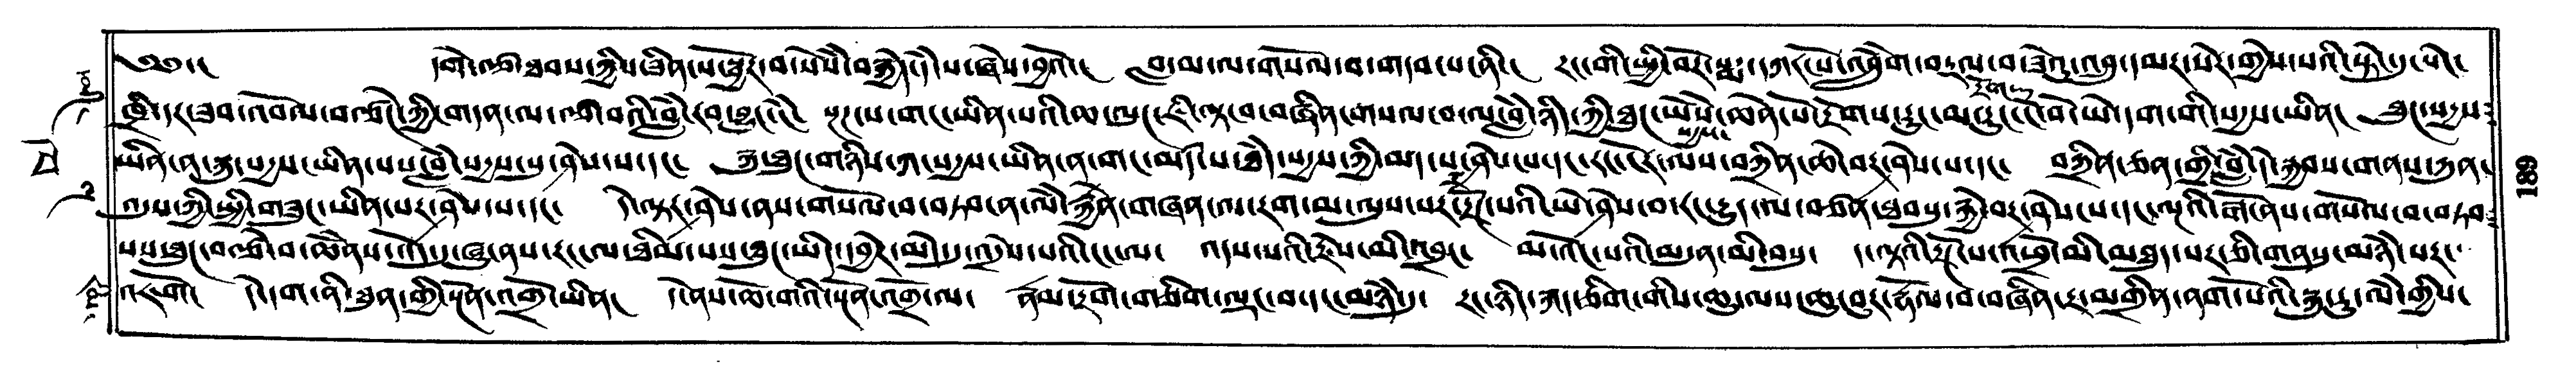དགེ་རྩ་ཐབས་ཀྱིས་ཟིན་པ་སྦྱོར་བ་སེམས་བསྐྱེད་དམ་པ་ཞེས་བྱའོ།། བླ་མ་ལ་གསོལ་བ་གདབ་པ་ནི། རང་གི་སྤྱི་བོར་པདྨ་དཀར་པོ་འབུཾ་ཕྲག་བརྡལ་བ་ཟེའུ་འབྲུ་དམར་སེར་རྒྱས་པའི་སྟེང་དུ་སེང་
ཁྲི་དར་ཟབ་འབོལ་བརྩེགས་ཀྱི་གདན་ལ་རྩ་བའི་བླ་མ་རབ་བྱུང་ངམ། སྔགས་པ་གང་ཡིན་པའི་ཆ་ལུགས་ཇི་ལྟ་བ་བཞིན་གསལ་བ་ལ་བླ་མ་ཉིད་ཀྱི་ཐུགས་ཡེ་ཤེས་ཆེན་པོ་རྟོགས་རུང་མ་རྟོགས་རུང་ངོ་བོ་ཡེ་དག་གི་སངས་རྒྱས་ཡིན། ཐུགས་སངས་རྒྱས་
ཡིན་ན་སྐུ་སངས་རྒྱས་ཡིན་པས་བླ་མ་སངས་རྒྱས་སུ་ཤེས་པ་དང་། སྐུ་ཐུགས་གཉིས་ཀ་སངས་རྒྱས་ཡིན་ན་གང་མཛད་པ་ཐམས་ཅད་སངས་རྒྱསཀྱི་མཛད་པར་ཤེས་པ་དང་། རང་ངོར་སངས་རྒྱས་ལས་བཀའ་དྲིན་ཆེ་བར་ཤེས་པ་དང་། བཀའ་དྲིན་ཅན་གྱི་བླ་མ་དེ་སྐྱབས་གནས་ཀུན་
འདུས་ཀྱི་སྤྱི་གཟུགས་ཡིན་པར་ཤེས་པ་དང་། དེ་ལྟར་ཤེས་ནས་གསོལ་བ་བཏབ་ན་ལམ་རྐྱེན་གཞན་ལ་རག་མ་ལས་པར་རྟོགས་པའི་ཡེ་ཤེས་རང་རྒྱུད་ལ་བཙན་ཐབས་སུ་སྐྱེ་བར་ཤེས་པ་དང་ལྔའི་སྒོ་ནས་གསོལ་བ་བཏབ་
པས་ཐུགས་བརྩེ་བ་ཆེན་པོས་འོད་དུ་ཞུ་ནས་རང་ལ་ཐིམ་པས་ཐུགས་ཡིད་དབྱེར་མེད་དུ་འདྲེས་པའི་ངང་ལ། འདས་པའི་རྗེས་མི་འབྲང་། མ་འོངས་པའི་མདུན་མི་བསུ། ད་ལྟའི་རྟོག་པ་འཕྲོ་མི་མཐུད་པར་ཅི་གནས་སུ་མཉམ་པར་
འཇོག། དེ་དག་ནི་ཐུན་གྱི་སྔོན་འགྲོ་ཡིན། དེ་ནས་ཆོ་གའི་སྔོན་འགྲོ་ལ། རྣམ་རྟོག་གཅིག་ལྡང་བ་དང་མཉམ་དུ། རང་ཉིད་སྐད་ཅིག་གིས་ཆུ་ལས་ཆུ་བུར་རྡོལ་བ་བཞིན་རྟ་མགྲིན་ནག་པོའི་སྐུ་རུ་ལམ་གྱིས་